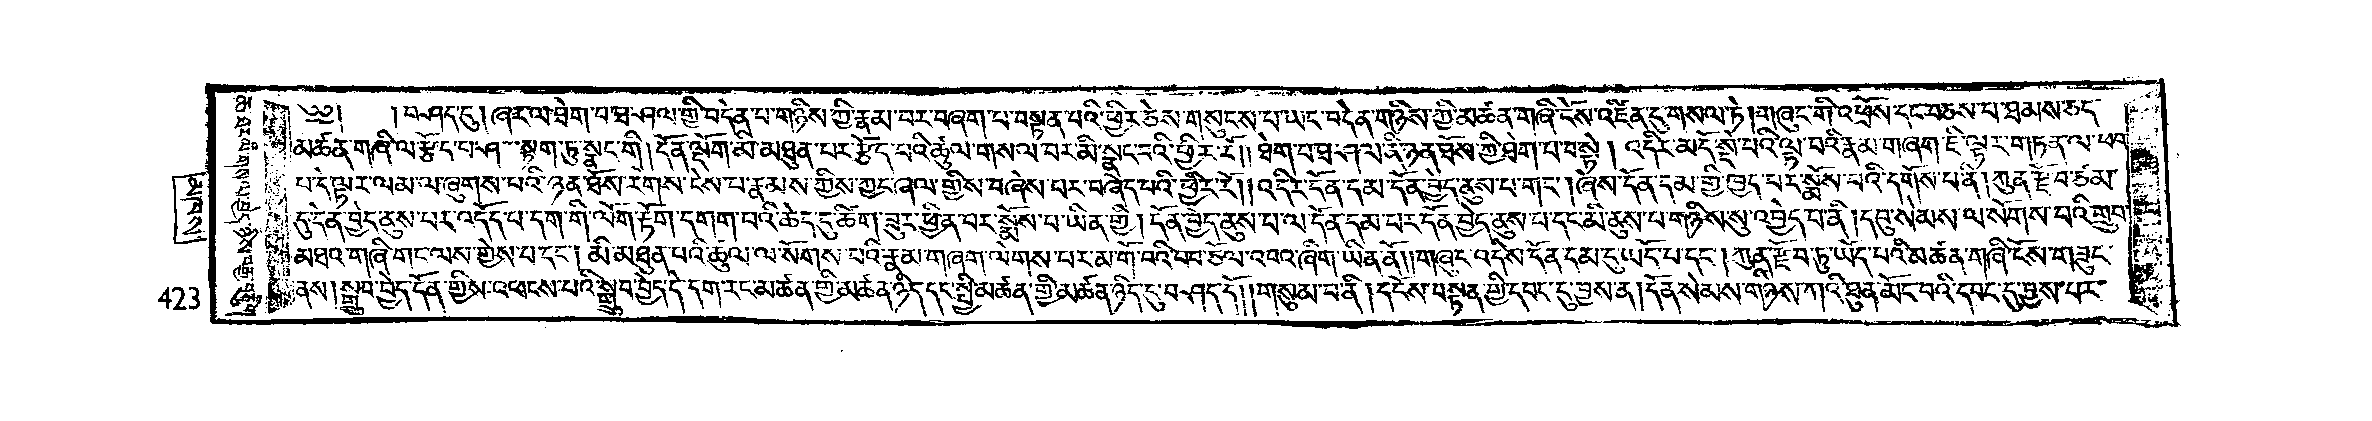༄༅། །བཤད་དུ། ཞར་ལ་ཐེག་པ་ཐ་ཤལ་གྱི་བདེན་པ་གཉིས་ཀྱི་རྣམ་པར་བཞག་པ་བསྟན་པའི་ཕྱིར་ཅེས་གསུངས་པ་ཡང་བདེན་གཉིས་ཀྱི་མཚན་གཞི་ངོས་འཛིན་དུ་གསལ་ཏེ། གཞུང་གི་འཕྲོས་དང་བཅས་པ་ཐམས་ཅད་
མཚན་གཞི་ལ་རྩོད་པ་ཤ་སྟག་ཏུ་སྣང་གི། དོན་ལྡོག་མི་མཐུན་པར་རྩོད་པའི་ཚུལ་གསལ་བར་མི་སྣང་བའི་ཕྱིར་རོ། །ཐེག་པ་ཐ་ཤལ་ནི་ཉན་ཐོས་ཀྱི་ཐེག་པ་པ་སྟེ། འདིར་མདོ་སྡེ་པའི་ལྟ་བའི་རྣམ་གཞག་ཇི་ལྟར་གཏན་ལ་ཕབ་?
པ་དེ་ལྟར་?་ལམ་ལ་ཞུགས་པའི་ཉན་ཐོས་རིགས་ངེས་པ་རྣམས་ཀྱིས་ཀྱང་ཞལ་གྱིས་བཞེས་པར་བཞེད་པའི་ཕྱིར་རོ། །འདིར་དོན་དམ་དོན་བྱེད་ནུས་པ་གང་། ཞེས་དོན་དམ་གྱི་ཁྱད་པར་སྨོས་པའི་དགོས་པ་ནི། ཀུན་རྫོབ་ཙམ་
དུ་དོན་བྱེད་ནུས་པར་འདོད་པ་དག་གི་ལོག་རྟོག་དགག་པའི་ཆེད་དུ་ཚིག་ཟུར་ཕྱིན་པར་སྨོས་པ་ཡིན་གྱི། དོན་བྱེད་ནུས་པ་ལ་དོན་དམ་པར་དོན་བྱེད་ནུས་པ་དང་མི་ནུས་པ་གཉིས་སུ་འབྱེད་པ་ནི། དབུ་སེམས་ལ་སོགས་པའི་གྲུབ་
མཐའ་གཞི་གང་ལས་གྱིས་?་པ་དང་། མི་མཐུན་པའི་ཚུལ་ལ་སོགས་པའི་རྣམ་གཞག་ལེགས་པར་མ་གོ་བའི་བབ་ཙོལ་?་འབའ་ཞིག་ཡིན་ནོ། །གཞུང་འདིས་དོན་དམ་དུ་ཡོད་པ་དང་། ཀུན་རྫོབ་ཏུ་ཡོད་པའི་མཚན་གཞི་ངོས་གཟུང་
ནས། སྒྲུབ་བྱེད་དོན་གྱིས་འཕངས་པའི་སྒྲུབ་བྱེད་དེ་དག་རང་མཚན་གྱི་མཚན་ཉིད་དང་སྤྱི་མཚན་གྱི་མཚན་ཉིད་དུ་བཤད་དོ། །གསུམ་པ་ནི། དངོས་བསྟན་གྱི་དབང་དུ་བྱས་ན། དོན་སེམས་གཉིས་ཀའི་ཐུན་མོང་བའི་དབང་དུ་བྱས་པར་